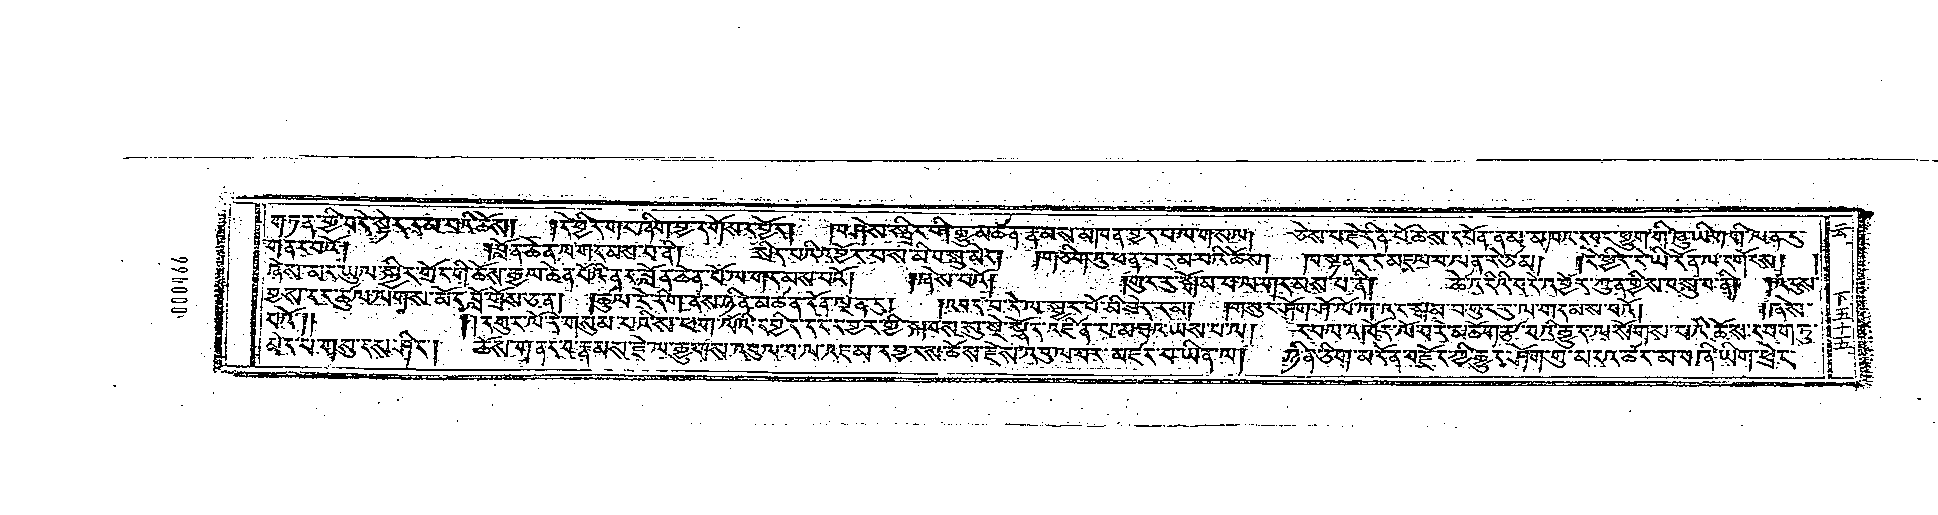གཏན་གྱི་བདེ་སྟེང་ངམ་བའི་ཆོས། །དེ་ཕྱིར་གང་ཞིག་བྱ་དགོས་དཔྱོད། ཁ་ཤེས་སྤྲིང་གི་རྒྱུ་མཚན་རྣམས་མཁན་བྱད་པ་ལ་གསལ། ཅེས་པ་རྗེ་རིན་པོ་ཆེས་དཔོན་ནམ་མཁའ་དབང་ཕྱུག་གི་ཞུ་ཡིག་གི་ལན་དུ་
གནང་བའོ། །བློན་ཆེན་ལ་གདམས་པ་ནི། སྲིད་པའི་འབྱོར་པས་མི་བསླུ་མེད། །གཅིག་བུ་ཕན་པ་དམ་པའི་ཆོས། །བསྟན་དང་མཇལ་བ་ལན་རེ་ཙམ། །དེ་ཕྱིར་དེ་ཡི་དོན་ལ་དགོངས། །
ཞེས་མང་ཡུལ་སྐྱིད་གྲོང་གི་ཆོས་རྒྱལ་ཆེན་པོའི་ནང་བློན་ཆེན་པོ་ལ་གདམས་པའོ། །ཞེས་པའོ། །གུང་རུ་སྒོམ་པ་ལ་གདམས་པ་ནི། ཚེ་འདིའི་བདེ་འབྱོར་ཀུན་གྱིས་བསླུ་བ་ནི། །འདུས་
བྱས་ངང་ཚུལ་ལེགས་མོང་བློ་གྲོས་ཅན། །ཚུལ་དེ་རིག་ནས་ཉིན་མཚན་དོན་ལྡན་དུ། །འབད་བ་དེ་ལ་སྦྱང་པོ་མི་ཟེར་རམ། །གསུང་ཤོག་ཤོ་ལོ་ཀའང་སྒམ་བ་གུང་རུ་ལ་གདམས་པའོ། །ཞེས་
པའོ།། །།དགུང་ལོ་རི་གསུམ་པའི་ས་ཕག་ལོའི་དཔྱིད་དང་དབྱེར་གྱི་སྐབས་སུ་སྡེ་སྣོད་འཛིན་པ་མཐའ་ཡས་པ་ལ། དཔལ་འཁོར་ལོ་བདེ་མཆོག་རྩ་བའི་རྒྱུད་ལ་སོགས་པའི་ཚེས་དཔག་ཏུ་
མེད་པ་གསུངས་ཤིང་། ཆོས་གནང་བ་རྣམས་རྗེ་ལ་རྒྱུགས་འབུལ་བ་ལ་འཇམ་དབྱངས་ཆོས་རྗེས་འབུལ་བར་མཛད་པ་ཡིན་ལ། ཉིན་ཅིག་མངོན་བརྗོད་ཀྱི་རྒྱུད་ཤོག་གུ་མངའ་ཚང་མ་བཞི་ཡིག་ཕྲེང་